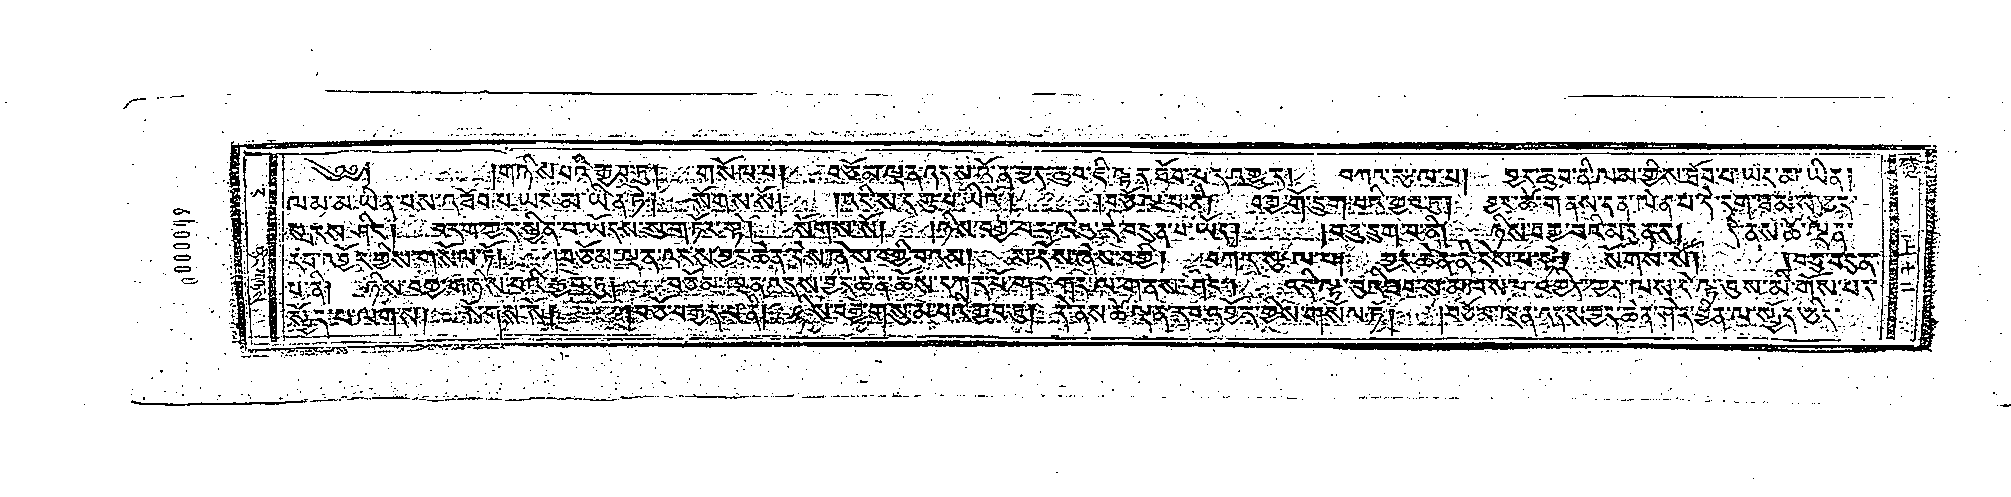༄༅། །གཉིས་པའི་རྒྱབ་ཏུ༑ གསོལ་པ། བཅོམ་ལྡན་འདས་འོ་ན་བྱང་ཆུབ་ཇི་ལྟར་ཐོབ་པར་འགྱུར། བཀའ་སྩལ་པ། བྱང་ཆུབ་ནི་ལམ་གྱིས་ཐོབ་པ་ཡང་མ་ཡིན།
ལམ་མ་ཡིན་པས་འཐོབ་པ་ཡང་མ་ཡིན་ཏེ། སོགས་སོ། །འདི་ས་དགུ་པ་ཡིའོ། །བཅོ་ལྔ་པ་ནི། བརྒྱ་གོ་དྲུག་པའི་རྒྱབ་ཏུ། བྱང་ཚེ་གནས་དན་ལེན་པ་དེ་དག་ཐམས་ཅད་
སྤངས་ཤིང་། བདག་ཀྱང་སྦྱིན་པ་ཡོངས་སུ་གཏོང་སྟེ། སོགས་སོ། །ཉིས་བརྒྱ་པར་ལེའུ་རེ་བདུན་པ་ཡོད། །བཅུ་དྲུག་པ་ནི། ཉིས་བརྒྱ་བའི་མདུན་དུ། དེ་ནས་ཚེ་ལྡན་
རབ་འབྱོར་གྱིས་གསོལ་ཏོ། །བཅོམ་ལྡན་འདས་བྱང་ཆེན་དེས་ཞེས་བགྱི་བའམ། མ་དོས་ཞེས་བགྱི། བཀའ་སྩལ་པ། བྱང་ཆེན་ནི་ངེས་པ་སྟེ། སོགས་སོ། །བཅུ་བདུན་
པ་ནི། ཉིས་བརྒྱ་གཉིས་པའི་རྒྱབ་ཏུ། བཅོམ་ལྡན་འདས་བྱང་ཆེན་ཆོས་དཀར་པོ་གང་གད་ལ་གནས་ཤིང་། འདི་ལྟ་བུའི་ཐབས་མཁས་པ་བགྱིད་ཀྱང་ལས་དེ་ལྟ་བུས་མི་གོས་པར་
སྤྱོད་པ་ལགས། སོགས་སོ། །བཅོ་བརྒྱད་པ་ནི། ཉིས་བརྒྱ་གསུམ་པའི་རྒྱབ་ཏུ། དེ་ནས་ཚེ་ལྡན་རབ་འབྱོར་གྱིས་གསོལ་ཏོ། །བཅོམ་ལྡན་འདས་བྱང་ཆེན་ཤེར་ཕྱིན་ལ་སྤྱོད་ཅིང་